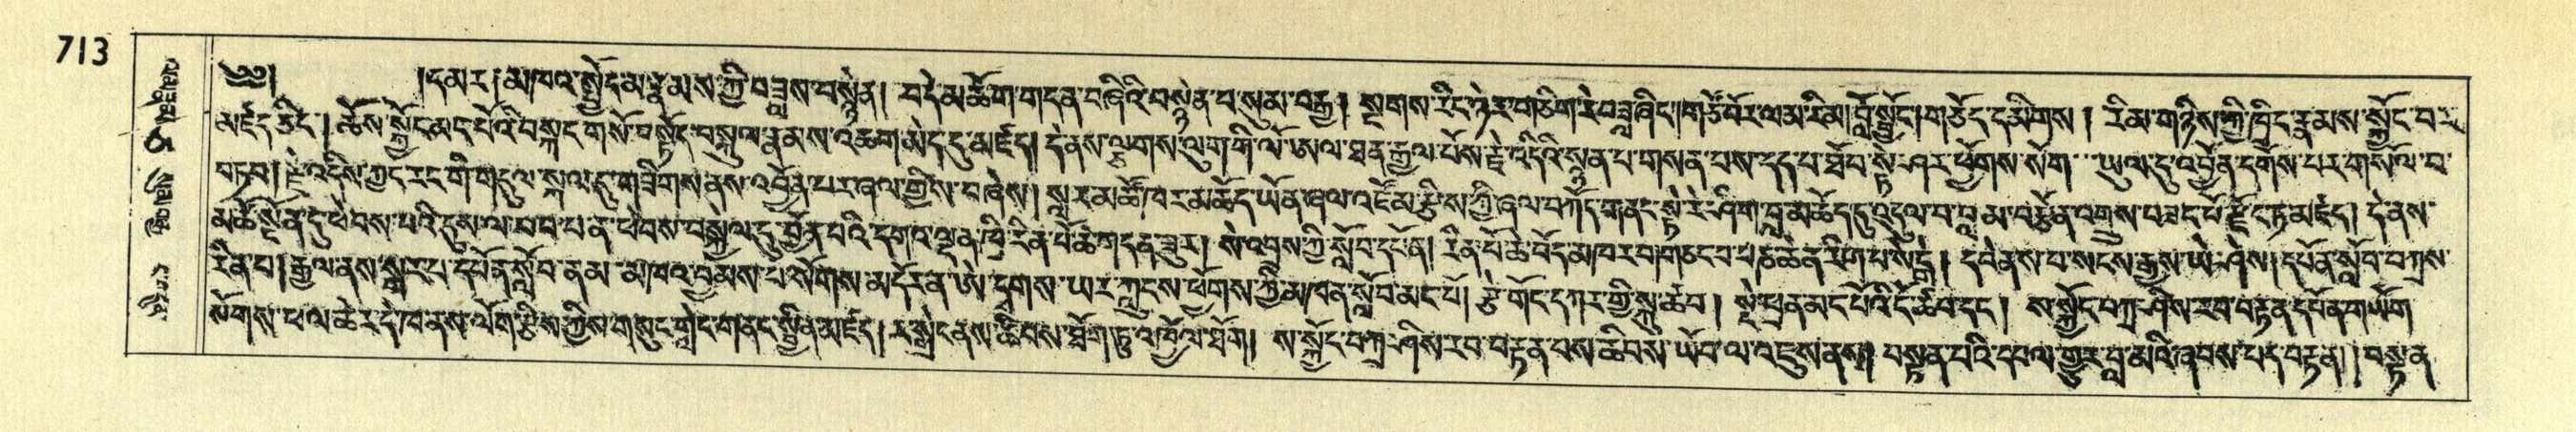༄༅། །དམར། མཁའ་སྤྱོད་མ་རྣམས་ཀྱི་བཟླས་བསྙེན། བདེ་མཆོག་གདན་བཞིའི་བསྙེན་པ་སུམ་བརྒྱ། སྔགས་རིང་ཉེར་གཅིག་རེ་བཟླ་ཞིང་། གཙོ་བོར་ལམ་རིམ། བློ་སྦྱོང་། གཅོད་དམིགས། རིམ་གཉིས་ཀྱི་ཁྲིད་རྣམས་སྐྱོང་བར་
མཛད་ཅིང་། ཆོས་སྐྱོང་མང་པོའི་བསྐང་གསོ་བསྟོད་བསྐུལ་རྣམས་འཆག་མེད་དུ་མཛད། དེ་ནས་ལྕགས་ལུག་གི་ལོ་ཨལ་ཐན་རྒྱལ་པོས་རྗེ་འདིའི་སྙན་པ་གསན་པས་དད་པ་ཐོབ་སྟེ་ཤར་ཕྱོགས་སོག་ཡུལ་དུ་འབྱོན་དགོས་པར་གསོལ་བ་
བཏབ། རྗེ་འདིས་ཀྱང་རང་གི་གདུལ་སྐལ་དུ་གཟིགས་ནས་འབྱོན་པར་ཞལ་གྱིས་བཞེས། སླར་མཚོ་ཁར་མཆོད་ཡོན་ཞལ་འཛོམ་རྩིས་ཀྱི་ཞལ་བཀོད་གནང་སྟེ་རེ་ཤིག་བླ་མཆོད་དུ་འདུལ་བ་བླ་མ་བརྩོན་འགྲུས་བཟང་པོ་རྫོང་ཏ་མཛད། དེ་ནས་
མཚོ་སྔོན་དུ་ཕེབས་པའི་དུས་ལ་བབ་པ་ན་ཕེབས་བསྐྱེལ་དུ་བྱོན་པའི་དགའ་ལྡན་ཁྲི་རིན་པོ་ཆེ་གདན་ཟུར། སེ་འབྲས་ཀྱི་སློབ་དཔོན། རིན་པོ་ཆེ་བོད་མཁར་བ། གཅང་པ་པཎ་ཆེན་རིག་པ་སེངྒེ། དབེན་ས་པ་སངས་རྒྱས་ཡེ་ཤེས། དཔོན་སློབ་བཀྲས་
རིན་པ། རྒྱལ་ནས་སྒར་པ་དཔོན་སློབ་ནམ་མཁའ་བྱམས་པ་སོགས་མདོར་ན་ཨེ་དྭགས་ཡར་ཀླུངས་ཕྱོགས་ཀྱི་མཁན་སློབ་མང་པོ། རྩེ་གོང་དཀར་གྱི་སྐུ་ཚབ། སྡེ་ཕྲན་མང་པོའི་ངོ་ཚབ་དང་། ས་སྐྱོང་བཀྲ་ཤིས་རབ་བརྟན་དཔོན་གཡོག་
སོགས་ཕལ་ཆེར་དེ་ཁ་ནས་ལོག་རྩིས་ཀྱིས་གསུང་གླེང་གནང་སྦྱིན་མཛད། ར་སྒྲེང་ནས་ཆིབས་ཐོག་ཏུ་འཁྱོལ་ཐོག། ས་སྐྱོང་བཀྲ་ཤིས་རབ་བརྟན་པས་ཆིབས་ཡོབ་ལ་འདུས་ནས། བསྟན་པའི་དཔལ་གྱུར་བླ་མའི་ཞབས་པད་བརྟན། །བསྟན་